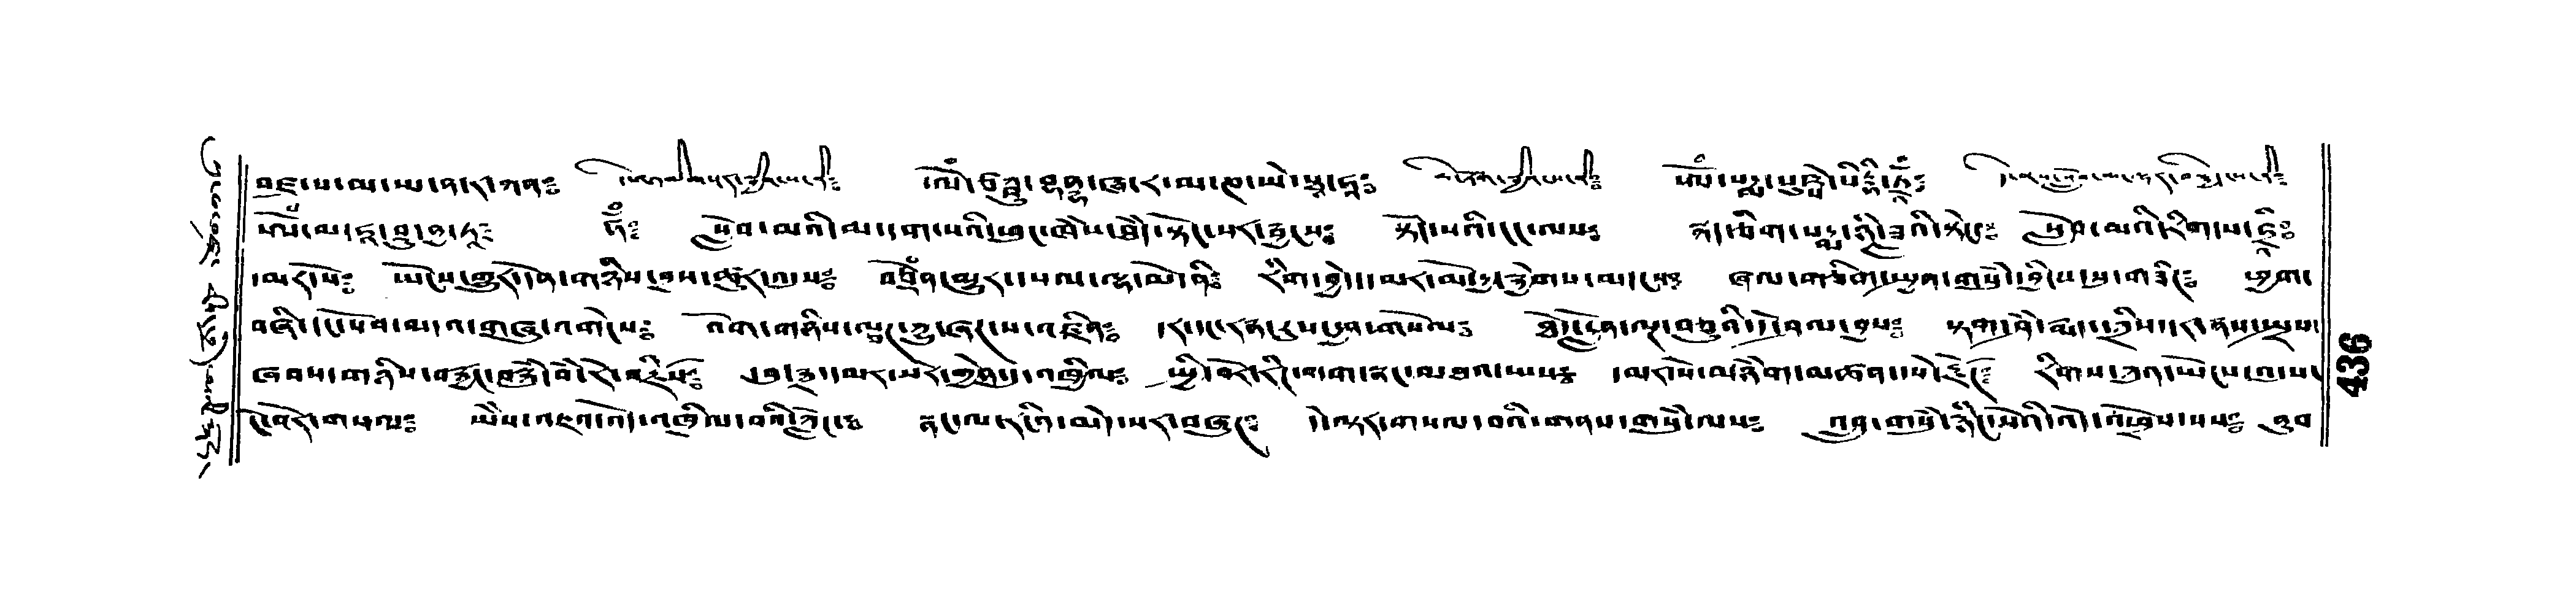བཛྲ་ས་མ་ཡ་ན་ར་ཀན༔ དེ་ནས་མིག་དར་སྦྱིན་པ་ནི༔ ཨོཾ་ཙཀྵུ་བྷནྡྷ་ཝ་ར་མ་ཎ་ཡེ་སྭཱ་ཧཱཿ མེ་ཏོག་སྦྱིན་པ་ནི༔ ཨོཾ་པདྨ་པུཥྤེ་སིདྡྷི་ཏྲཱྃ༔ དེ་ནས་སློབ་མ་ལྷར་བསྐྱེད་པ་ནི༔ 
ཨོཾ་མ་ཧཱ་ཤུ་ནྱ་ཏཱ༴ ཧཾཿ སློབ་མའི་མ་དག་པའི་ཕུང་ཁམས་ཐམས་ཅད་སྟོང་པར་སྦྱངས༔ སྟོང་པའི་ངང་ལས༔ སྐད་ཅིག་པདྨ་ཉི་ཟླའི་སྟེང༔ སློབ་མའི་རིག་པ་ཧྲཱིཿ 
དམར་པོ༔ ཡོངས་གྱུར་དོན་གཉིས་བྱས་ཚུར་འདུས༔ བཅོམ་ལྡན་མྱུར་དཔལ་ལྷ་མོ་ནི༔ རིག་བྱེད་དམར་མོ་རྒྱ་སྐྱེགས་མདངས༔ ཞལ་གཅིག་སྤྱན་གསུམ་དབྱིངས་སུ་གཟིགས༔ ཕྱག་
བཞི་དང་པོས་མདའ་གཞུ་འགེངས༔ འོག་གཉིས་ལྕགས་ཀྱུ་ཞགས་པ་འཛིན༔ དར་དང་རཏྣ་རུས་རྒྱན་གསོལ༔ ཐོད་རློན་ལྔ་བཅུའི་དོ་ཤལ་བྱས༔ སྟག་ཤམ་སྨད་ཀྲིས་དར་སྣས་སྤྲས༔ 
ཞབས་གཉིས་བརྐྱང་བསྐུམ་བམ་རོ་བརྫིས༔ དབུ་སྐྲ་དམར་སེར་གྱེན་དུ་འཁྱིལ༔ སྤྱི་བོར་རིགས་བདག་སྣང་མཐའ་ཡས༔ དམར་པོ་མཉམ་བཞག་མཚན་དཔེ་རྫོགས༔ རིགས་ཀུན་ཡོངས་འདུས་
ངོ་བོར་གསལ༔ ཡེ་ཤེས་འཇའ་འོད་འཁྱིལ་བའི་ཀློང༔ སྣང་ལ་རང་བཞིན་མེད་པར་བཞུགས༔ དེ་ལྟར་གསལ་བའི་གནས་གསུམ་ལས༔ འབྲུ་གསུམ་སྙིང་པོའི་འོད་འཕྲོས་པས༔ ནུབ་